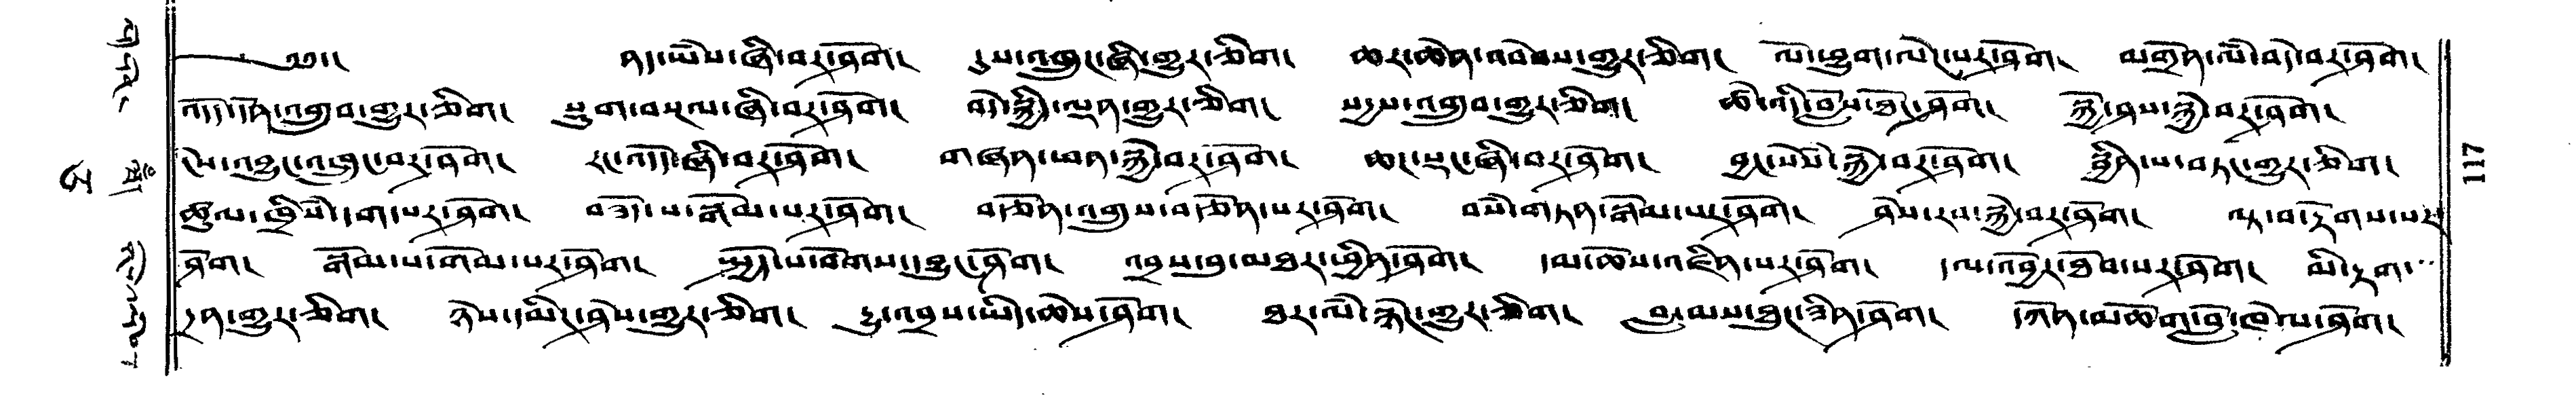ནད་ཡམས་ཞི་བར་ཤོག དུས་འཁྲུགས་ཞི་གྱུར་ཅིག ཆར་ཆེན་འབེབས་གྱུར་ཅིག་ ལོ་ཕྱུགས་ལེགས་པར་ཤོག མགྲོན་ལམ་བདེ་བར་ཤོག 
འདོད་དོན་འགྲུབ་གྱུར་ཅིག སྡུག་བསྔལ་ཞི་བར་ཤོག བདེ་སྐྱིད་ལྡན་གྱུར་ཅིག སངས་རྒྱས་འགྲུབ་གྱུར་ཅིག ཚེ་འདི་བློ་ཐོང་ཤོག སྐྱོ་ཤས་སྐྱེ་བར་ཤོག 
ངེས་འབྱུང་འཁྲུངས་བར་ཤོག རང་འདོད་ཞི་བར་ཤོག གཞན་ཕན་སྐྱེ་བར་ཤོག ཆགས་སྡང་ཞི་བར་ཤོག བྱང་སེམས་སྐྱེ་བར་ཤོག སྦྱིན་པ་གཏོང་གྱུར་ཅིག 
ཚུལ་ཁྲིམས་དག་པར་ཤོག བཟོད་པ་སྒོམས་པར་ཤོག བརྩོན་འགྲུས་བརྩོན་པར་ཤོག བསམ་གཏན་སྒོམ་པར་ཤོག ཤེས་རབ་སྐྱེ་བར་ཤོག ལྟ་བ་རྟོགས་པར་
ཤོག སྒོམ་པ་གོམས་པར་ཤོག སྤྱོད་པ་བོགས་དབྱུང་ཤོག འབྲས་བུ་མཐར་ཕྱིན་ཤོག དམ་ཆོས་འཛིན་པར་ཤོག དལ་འབྱོར་ཐོབ་པར་ཤོག མི་རྟག་
དྲན་གྱུར་ཅིག ཉེས་དམིགས་ཤེས་གྱུར་ཅིག རྒྱུ་འབྲས་ཡིད་ཆེས་ཤོག ཐར་ལམ་སྙེག་གྱུར་ཅིག བླ་མས་ཐུགས་ཟིན་ཤོག དཀོན་མཆོག་བློ་ཁེལ་ཤོག